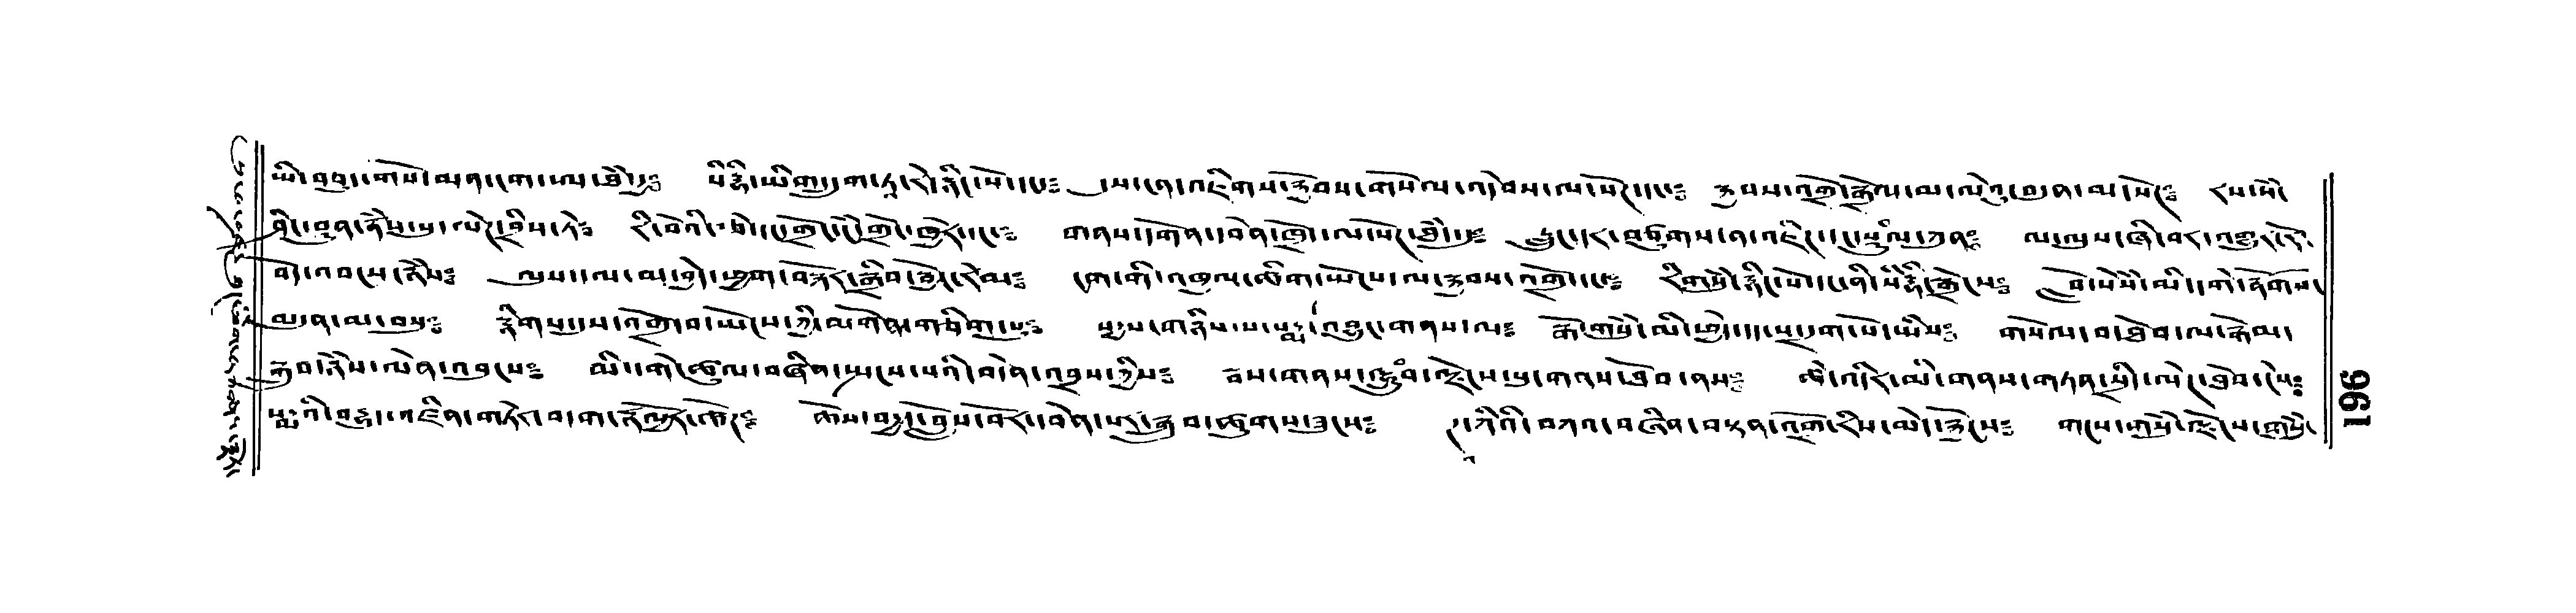ཡི་བཅུད་གསོ་མན་ངག་ཨ་ཐམ་རྒྱ༔ སིདྡྷི་ཡིག་དྲུག་ཏཱ་རེ་སྙིང་པོ་དང༔ དུས་ངན་འཇིགས་སྐྱོབ་གསོལ་འདེབས་ལ་སོགས་དང༔ སྐྱབས་འགྲོ་སྒྲོལ་མ་ལེའུ་བདུན་མ་སོགས༔ རས་སམ་
ཤིང་ཤུན་རྣམས་སུ་ལེགས་བྲིས་ཏེ༔ རི་བོའི་རྩེ་དང་གྲོང་ངམ་གྲོང་ཁྱེར་དང༔ གནས་དགོན་དབེན་ཁྲོད་ལ་སོགས་ཐམས་ཅད་དུ༔ རླུང་དར་བཙུགས་ན་འཇིགས་དང་སྡུག་བསྔལ་ཀུན༔ མ་ལུས་ཞི་བར་འགྱུར་རོ་
བོད་འབངས་རྣམས༔ ལུས་དལ་མ་བྱེད་ཕྱག་བསྐོར་སྒྲིབ་སྦྱོང་རེམ༔ ངག་གི་འཁྱལ་ཚིག་སྤོངས་ལ་སྐྱབས་འགྲོ་དང༔ རིགས་གསུམ་སྙིང་པོ་དང་ནི་སིདྡྷི་སྒྲོངས༔ བློ་སེམས་མི་དགེ་སྣ་ཚོགས་
མདུན་མ་བསུ༔ སྙིགས་དུས་འགྲོ་བ་ཡོངས་ཀྱི་མགོན་གཅིག་པུ༔ སངས་རྒྱས་གཉིས་པ་པདྨ་འབྱུང་གནས་ལ༔ སྒོ་གསུམ་མི་ཕྱེད་དད་པ་དྲག་པོ་ཡིས༔ གསོལ་བ་ཐོབ་ལ་སྒོམ་
སྒྲུབ་ཉམས་ལེན་འབུངས༔ མི་དགེ་ཚུལ་བཞིན་སྤངས་པའི་བདེན་འབྲས་ཀྱིས༔ སྦས་གནས་ལྷུན་གྲུབ་ལྗོངས་སུ་གནས་ཐོབ་ནས༔ ཚེ་འདིར་མི་གནས་གཏན་སྲིད་ལེགས་ཐོབ་ངེས༔ 
པདྨའི་བརྒྱུད་འཛིན་གཏེར་བདག་རྣལ་འབྱོར་ཚོགས༔ ཆོས་བརྒྱད་བློས་བོར་དབེན་པར་སྒྲུབ་ཚུགས་ཟུངས༔ ཌཱ་ཀིའི་བཀའ་བཞིན་བསྟན་འགྲོ་རིས་མེད་སྐྱོངས༔ གངས་གསུམ་ལྗོངས་གསུམ་